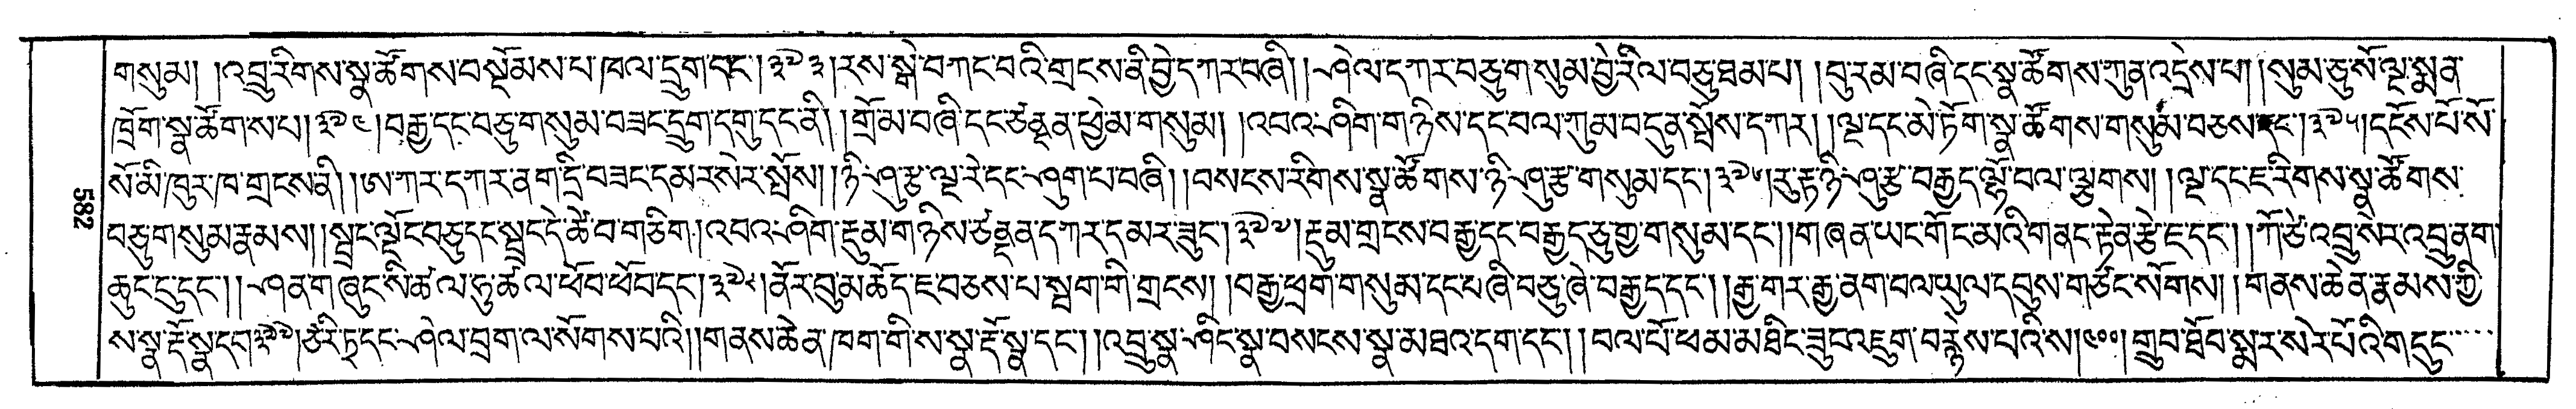གསུམ། །འབྲུ་རིགས་སྣ་ཚོགས་བསྡོམས་པ་ཁལ་དྲུག་དང་། ༣༧༣་།རས་སྒེ་བཀང་བའི་གྲངས་ནི་བྱེ་དཀར་བཞི། །ཤེལ་དཀར་བཅུ་གསུམ་བྱེ་རིལ་བཅུ་ཐ་མ་པ། །བུ་རམ་བཞི་དང་སྣ་ཚོགས་ཀུན་འདྲེས་པ། །སུམ་ཅུ་སོ་ལྔ་སྨན་
ཁྲོག་སྣ་ཚོགས་པ། ༣༧༤་།བརྒྱ་དང་བཅུ་གསུམ་བཟང་དྲུག་དགུ་དང་ནི། །གྲོ་མ་བཞི་དང་ཙནྡན་ཕྱེ་མ་གསུམ། །འབའ་ཤིག་གཉིས་དང་བལ་ཀུ་མ་བདུན་སྤོས་དཀར། །ལྔ་དང་མེ་ཏོག་སྣ་ཚོགས་གསུམ་བཅས་དང་། ༣༧༥་།དངོས་པོ་སོ་
སོ་མི་ཁུར་ཁ་གྲངས་ནི། །ཨ་ཀར་དཀར་ནག་དྲི་བཟང་དམར་སེར་སྤོས། །ཉི་ཤུ་རྩ་ལྔ་རེ་དང་ཤུག་པ་བཞི། བསངས་རིགས་སྣ་ཚོགས་ཉི་ཤུ་རྩ་གསུམ་དང་། ༣༧༦་།རུ་རྟ་ཉི་ཤུ་རྩ་བརྒྱད་ལྷོ་བལ་ལྕགས། །ལྔ་དང་ཇ་རིགས་སྣ་ཚོགས་
བཅུ་གསུམ་རྣམས། །སྦྲང་ལྡོང་བཅུ་དང་སྦྲང་དོ་ཆེ་བ་གཅིག །འབའ་ཤིག་རྡུམ་གཉིས་ཙནྡན་དཀར་དམར་ཟུང་། ༣༧༧་།རྡུམ་གྲངས་བརྒྱ་དང་བརྒྱད་ཅུ་གྱ་གསུམ་དང་། །གཞན་ཡང་གོང་མའི་གནང་རྟེན་རྩེ་ཇ་དང་། །ཀོ་ཙེ་འབྲུ་སེར་འབྲུ་ནག་
ཆུང་ཇུ་དང་། །ཤན་གཞུང་སི་ཚལ་ཧུ་ཚལ་ཕོབ་ཕོབ་དང་། ༣༧༨་།ནོར་བུ་མཆོད་ཇ་བཅས་པ་སྦག་གི་གྲངས། །བརྒྱ་ཕྲག་གསུམ་དང་བཞི་བཅུ་ཞེ་བརྒྱད་དང་། །རྒྱ་གར་རྒྱ་ནག་བལ་ཡུལ་དབུས་གཙང་སོགས། །གནས་ཆེན་རྣམས་ཀྱི་
ས་སྣ་རྡོ་སྣ་དང་། ༣༧༧་།ཙ་རི་ཏྲ་དང་ཤེལ་བྲག་ལ་སོགས་པའི། །གནས་ཆེན་ཁག་གིས་སྣ་རྡོ་སྣ་དང་། །འབྲུ་སྣ་ཤིང་སྣ་བསངས་སྣ་མཐའ་དག་དང་། །བལ་པོ་ཕམ་མཐིང་ཟུང་འཇུག་བརྙེས་པའི་ས། ༤༠༠་།གྲུབ་ཐོབ་སྨ་ར་སེར་པོའི་གདུང་